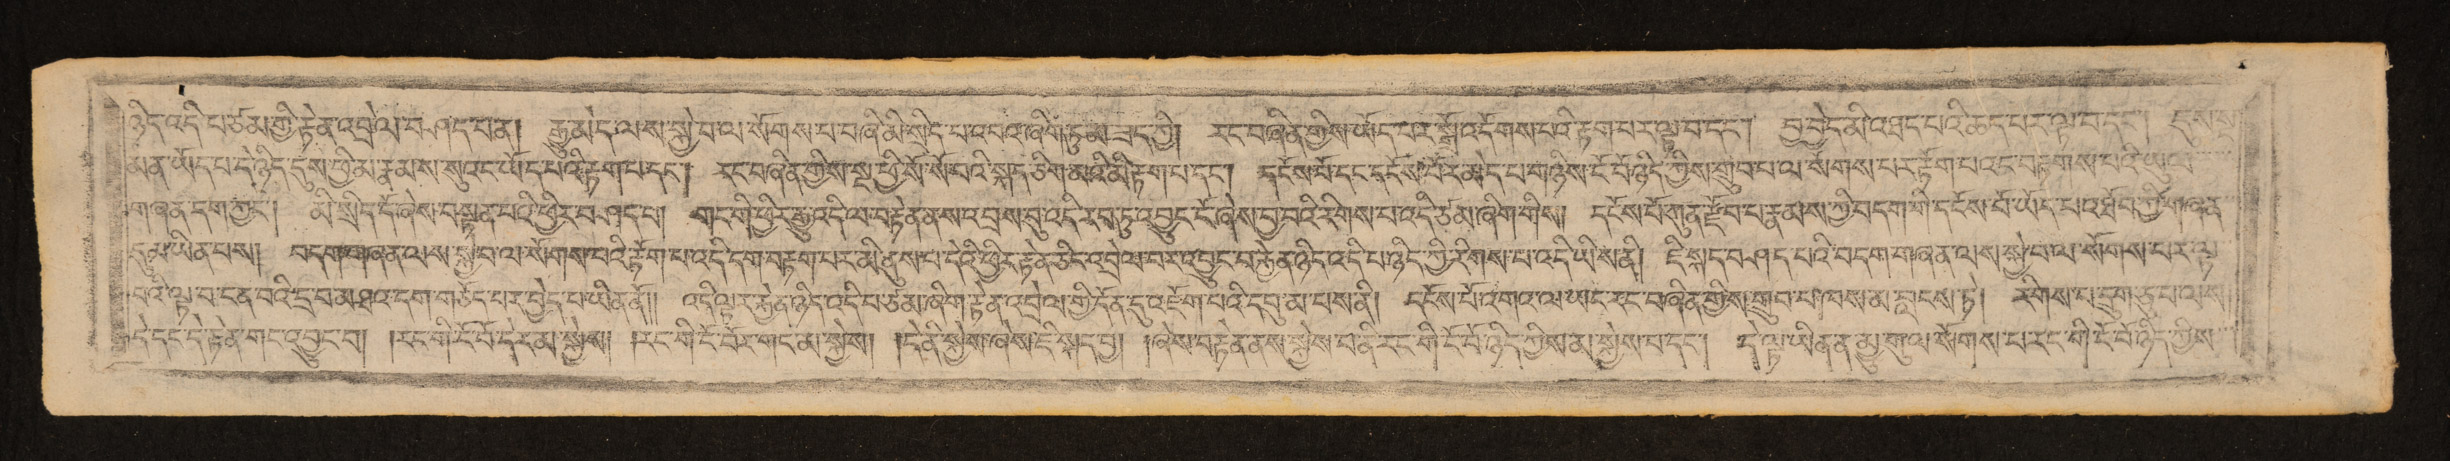ཉིད་འདི་པ་ཙམ་གྱི་རྟེན་འབྲེལ་བཤད་པ་ན། རྒྱུ་མེད་ལས་སྐྱེ་བ་ལ་སོགས་པ་བཞི་མི་སྲིད་པ་འབའ་ཞིག་ཏུ་མ་ཟད་ཀྱི། རང་བཞིན་གྱིས་ཡོད་པར་སྒྲོ་འདོགས་པའི་རྟག་པར་ལྟ་བ་དང་། བྱ་བྱེད་མི་འཐད་པའི་ཆད་པར་ལྟ་བ་དང་། དུས་སྔ་
མ་ན་ཡོད་པ་དེ་ཉིད་དུས་ཕྱི་མ་རྣམས་སུའང་ཡོད་པའི་རྟག་པ་དང་། རང་བཞིན་གྱིས་སྔ་ཕྱི་སོ་སོ་བའི་སྐད་ཅིག་མའི་མི་རྟག་པ་དང་། དངོས་པོ་དང་དངོས་པོར་མེད་པ་གཉིས་ངོ་བོ་ཉིད་ཀྱིས་གྲུབ་པ་ལ་སོགས་པར་རྟོག་པའང་བརྟགས་པའི་ཡུལ་
གཞན་དག་ཀྱང་། མི་སྲིད་དོ་ཞེས་བསྟན་པའི་ཕྱིར་བཤད་པ། གང་གི་ཕྱིར་རྒྱུ་འདི་ལ་བརྟེན་ནས་འབྲས་བུ་འདི་རབ་ཏུ་འབྱུང་ངོ་ཞེས་བྱ་བའི་རིགས་པ་འདི་ཙམ་ཞིག་གིས། དངོས་པོ་ཀུན་རྫོབ་པ་རྣམས་ཀྱི་བདག་གི་དངོས་པོ་ཡོད་པ་འཐོབ་ཀྱི་གཞན་
དུ་མ་ཡིན་པས། བདག་གཞན་ལས་སྐྱེ་བ་ལ་སོགས་པའི་རྟོག་པ་འདི་དག་བརྟག་པར་མི་ནུས་པ་དེའི་ཕྱིར་རྟེན་ཅིང་འབྲེལ་བར་འབྱུང་བ་རྐྱེན་ཉིད་འདི་པ་ཉིད་ཀྱི་རིགས་པ་འདི་ཡིས་ནི། ཇི་སྐད་བཤད་པའི་བདག་གཞན་ལས་སྐྱེ་བ་ལ་སོགས་པར་ལྟ་
བའི་ལྟ་བ་ངན་པའི་དྲ་བ་མཐའ་དག་གཅོད་པར་བྱེད་པ་ཡིན་ནོ།། འདི་ལྟར་རྐྱེན་ཉིད་འདི་པ་ཙམ་ཞིག་རྟེན་འབྲེལ་གྱི་དོན་དུ་འཇོག་པའི་དབུ་མ་པས་ནི། དངོས་པོ་འགའ་ལ་ཡང་རང་བཞིན་གྱིས་གྲུབ་པ་ཁས་མ་བླངས་ཏེ། རིགས་པ་དྲུག་ཅུ་པ་ལས།
དེ་དང་དེ་རྟེན་གང་འབྱུང་བ། །རང་གི་ངོ་བོ་དེར་མ་སྐྱེས། །རང་གི་ངོ་བོར་གང་མ་སྐྱེས། །དེ་ནི་སྐྱེས་ཞེས་ཇི་སྐད་བྱ། །ཞེས་བརྟེན་ནས་སྐྱེས་པ་ནི་རང་གི་ངོ་བོ་ཉིད་ཀྱིས་མ་སྐྱེས་པ་དང་། དེ་ལྟ་ཡིན་ན་མྱུ་གུ་ལ་སོགས་པ་རང་གི་ངོ་བོ་ཉིད་ཀྱིས་